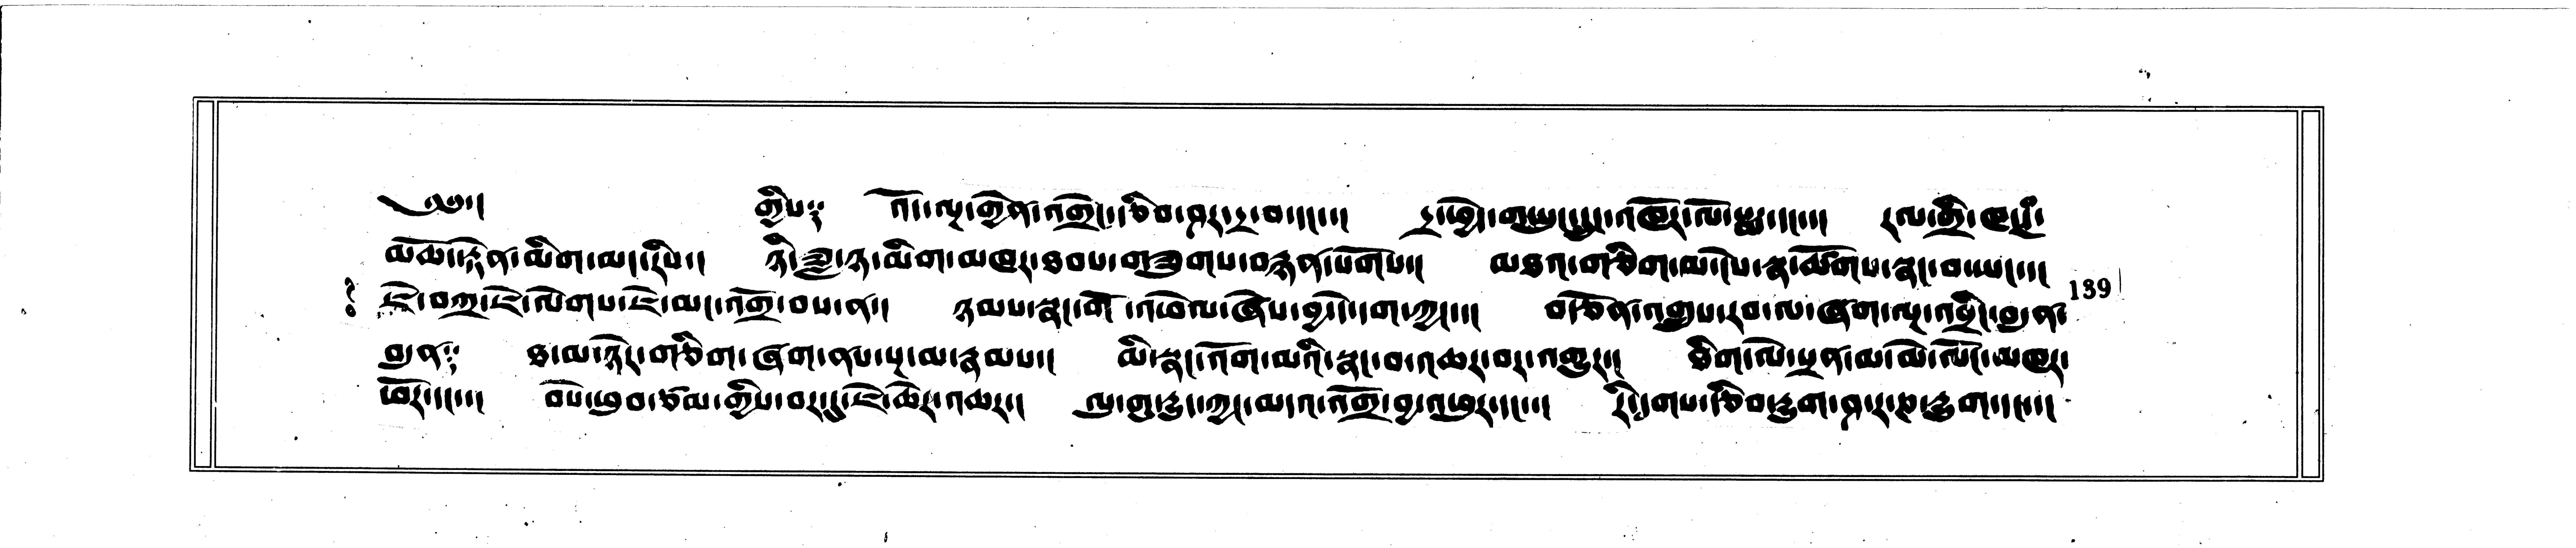གྱིས། །འོད་ལྔ་གྱེན་འགྲེང་རྩིབ་ཤར་དྲྭ་བ་དང་། །དྲྭ་ཕྱེད་གཡུང་དྲུང་འཁོར་ལོ་པདྨ་དང་། །རལ་གྲི་ཁ་ཊཾ་
འཁོར་ལོ་མིག་མངས་རིས། །ཉི་ཟླ་ཉ་མིག་མཁར་ཐབས་གཟུགས་བརྙན་སོགས། །མཐའ་གཅིག་མ་ངེས་སྣ་ཚོགས་སྣང་བ་ཡང་།
།ཇེ་བཀྲ་ཇེ་ལེགས་ཇེ་མང་འགྲོ་བས་ན། །ཉམས་སྣང་གོང་འཕེལ་ཞེས་བྱ་དེ་དག་ཀྱང་། །བརྩོན་འགྲུས་རབ་ལ་ཞག་ལྔ་འབྲིང་བདུན་
བདུན། །ཐ་མ་ཉེར་གཅིག་ཞག་ནས་སྔ་མ་རྣམས། །མི་སྣང་འོག་མའི་སྣང་བ་འཆར་བར་འགྱུར། །ཐིག་ལེ་སྲན་མ་མེ་ལོང་མཁར་
ཕོར་དང་། །བསེ་ཕུབས་ཙམ་གྱི་བར་དུ་ཇེ་ཆེར་འཆར། །ལུ་གུ་རྒྱུད་ཀྱང་མདའ་འགྲོ་བྱ་འཕུར་དང་། །རི་དྭགས་རྩིབས་རྒྱུག་ཤ་ར་ཎ་རྒྱུག་དང་། །